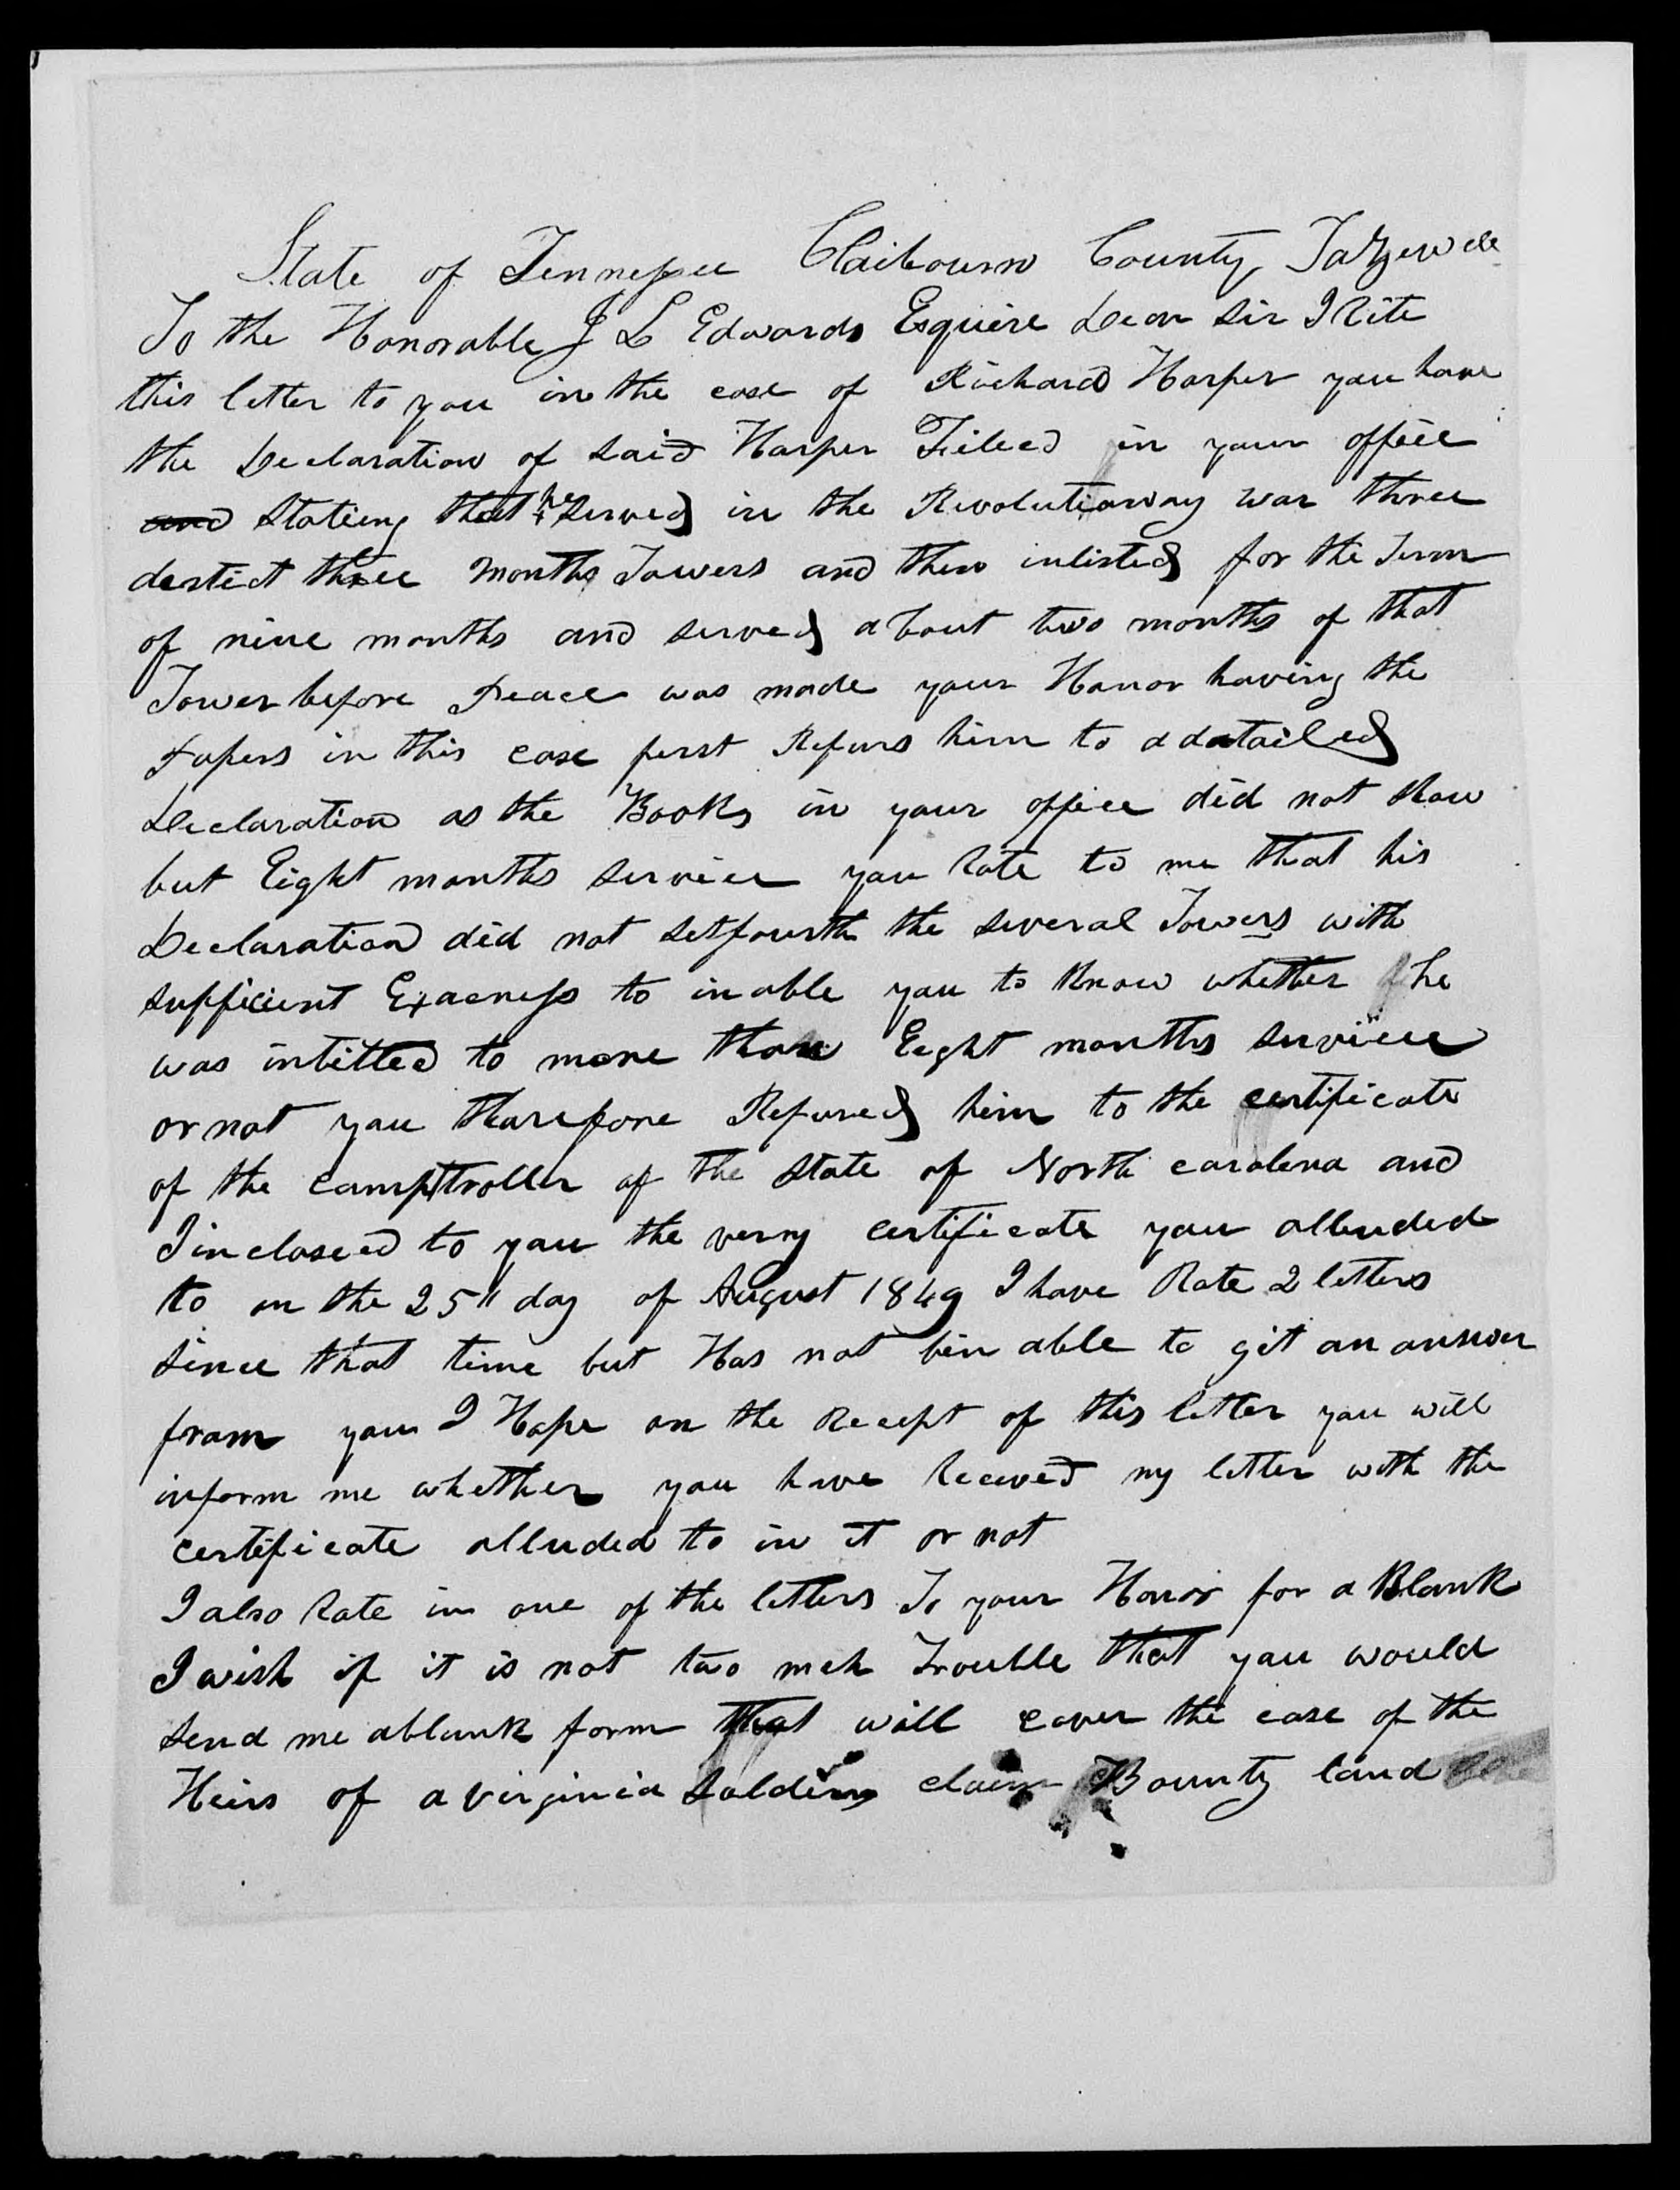State of Tennessee Claibourn County Tazewell 
To the Honorable J L Edwards Esquire dear Sir I Rite this letter to you in the case of Richard Harper you have the Declaration of said Harper filed in your office [and - CROSSED OUT] stating that he served in the Revolutionary War three distinct three months Towers and then enlisted for the term of nine months and served about two months of that Tower before peace was made your Honor having the papers in this case first refers him to a detailed Declaration as the Books in your office did not know but Eight months service you Rote to me that his Declaration did not setforth the several Towers with sufficient Examples to inable you to know whether he was intitled to more than Eight months service or not you therefore Returned him to the certificate of the comptroller of the state of North carolina and I inclosed to you the very certificate you alluded to in the 25th day of August 1849 I have Rote 2 letters since that time but Has not bin able to git an answer from you. I Hope on the Receipt of this letter you will inform me whether you have Received my letter with the certificate alluded to in it or not
I also Rote in one of the letters To your Honor for a Blank I wish if it is not too much Trouble that you would send me a blank form that will cover the case of the Heirs of a Virginia Soldiers claim Bounty land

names: Richard Harper, J L Edwards, Harper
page: 17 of 81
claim: survivor's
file: S. 1908, Richard Harper, N.C.